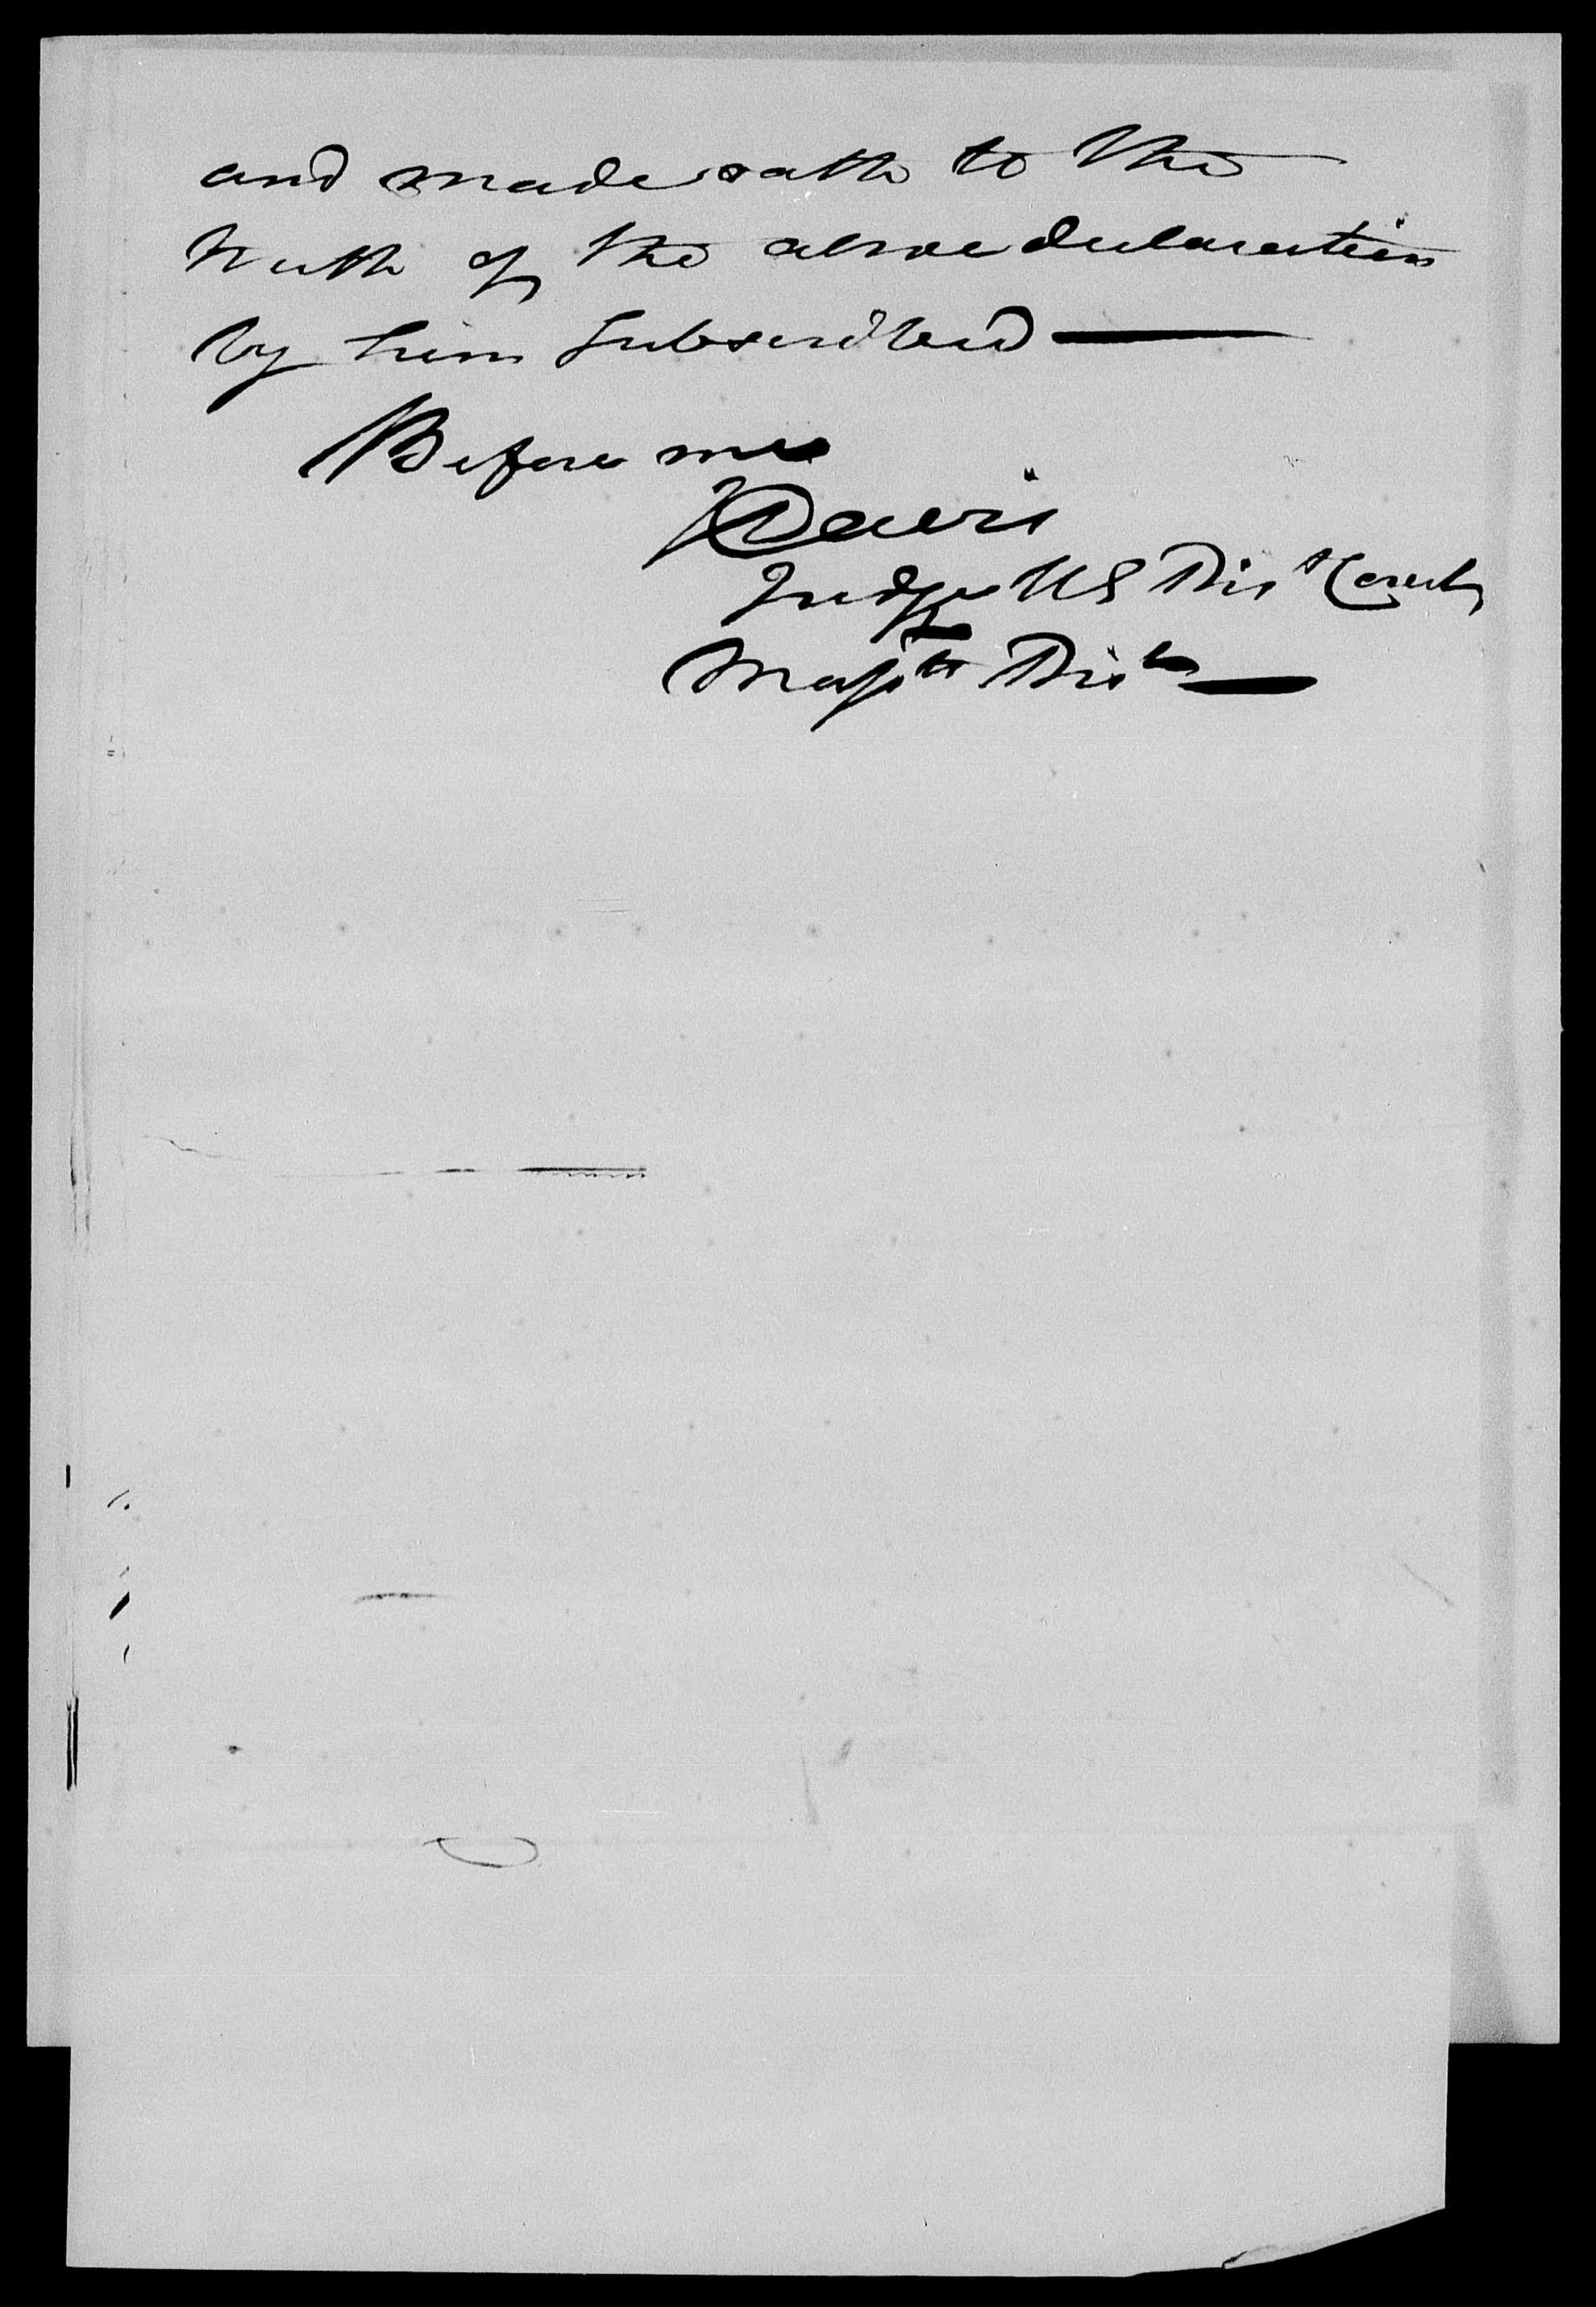and made oath to the truth of the above declaration by him subscribed
Before me 
J Davis
Judge US Dist. Court
Mass. Dist.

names: J Davis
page: 6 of 23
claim: widow's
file: W. 15010, for Thomas Lamb, Massachusetts